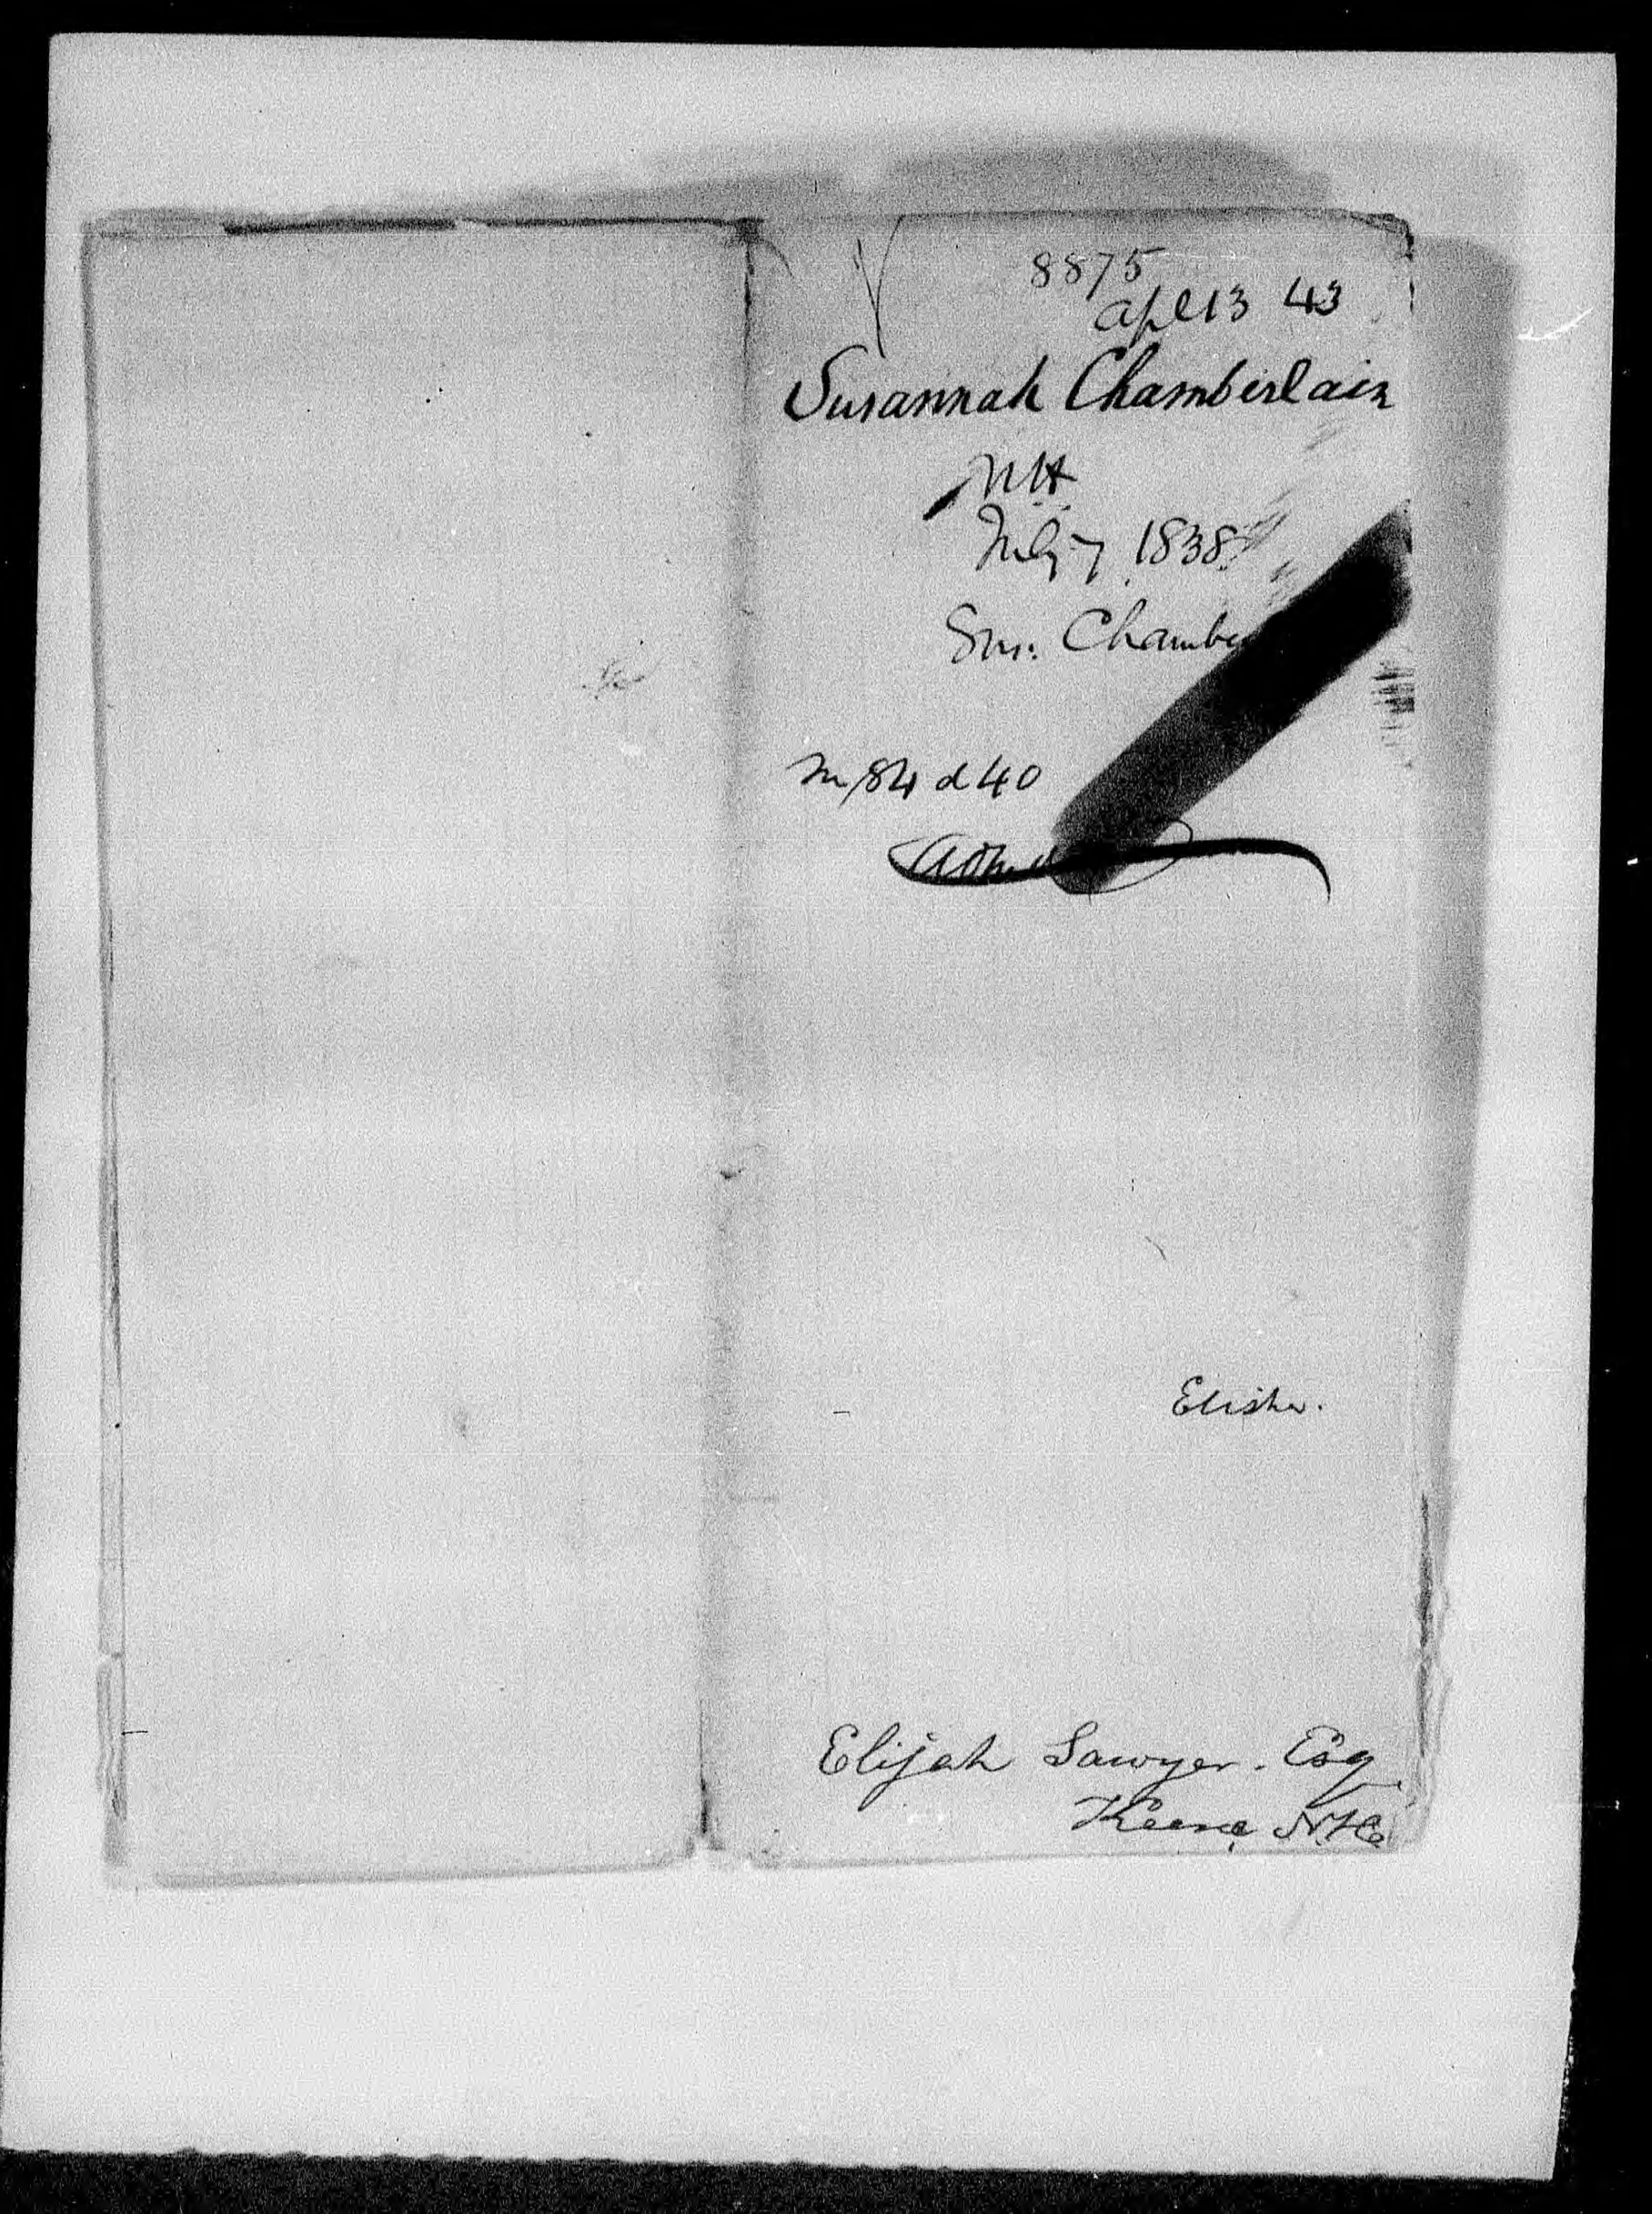8875
Apl  13   43

Susannah Chamberlain

N.H.

July 7, 1838

Sus.  Chamberlain

m/84  d 40

Admitted {stricken out]

Elisha

Elijah Sawyer, Esq
Keene  N.H.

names: Susannah Chamberlain,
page: 24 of 24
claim: rejected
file: R. 1835, Elisha Chamberlain, Mass.